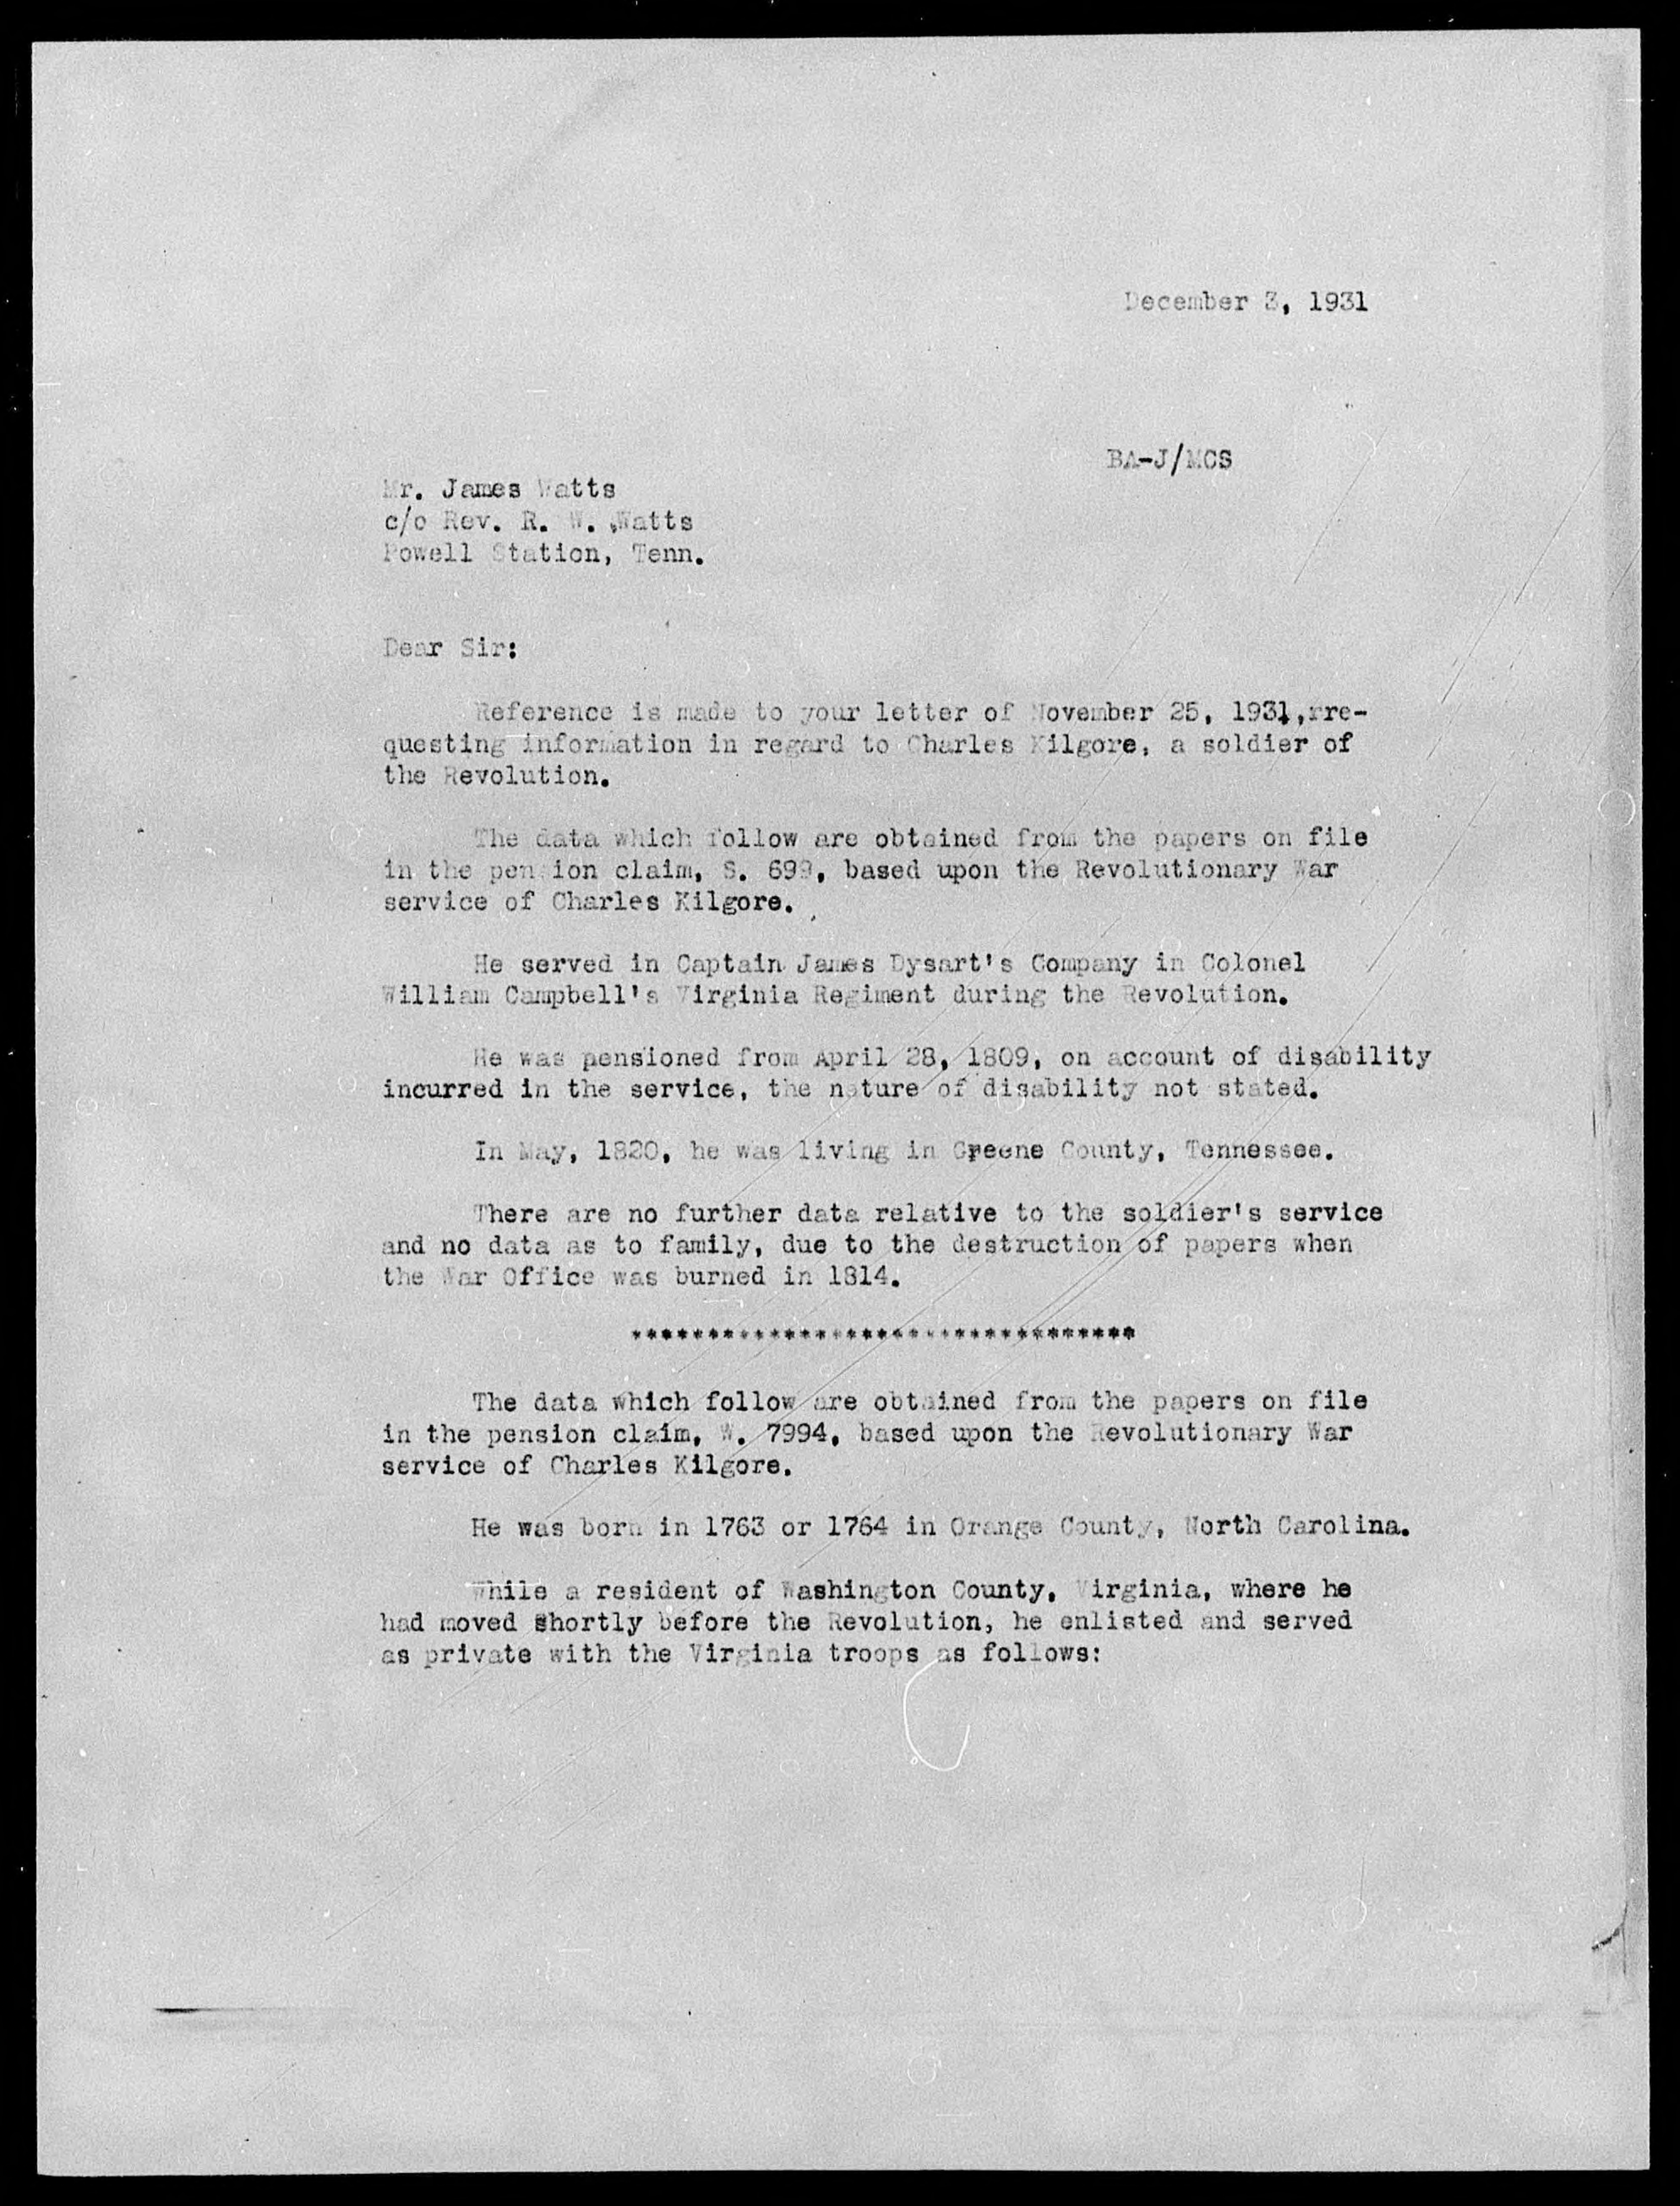December 3, 1931
BA-J/MCS

Mr. James Watts
c/o Rev. R. W. Watts
Powell Station, Tenn.

Dear Sir:
Reference is made to your letter of November 25, 1931, requesting information in regard to Charles Kilgore, a soldier of the Revolution.
The data which follow are obtained from the papers on file in the pension claim, S. 699, based upon the Revolutionary War service of Charles Kilgore.
He served in Captain James Dysart's Company in colonel William Campbell's Virginia Regiment during the Revolution.
He was pensioned from April 28, 1809, on account of disability incurred in the service, the nature of disability not stated.
In May, 1820, he was living in Greene County, Tennessee.
There are no further data relative to the soldier's service and no data as to family, due to the destruction of papers when the War office was burned in 1814.
**********
The data which follow are obtained from the papers on file in the pension claim, W. 7994, based upon the Revolutionary War service of Charles Kilgore.
He was born in 1763 or 1764 in Orange County, North Carolina.
While a resident of Washington County, Virginia, where he had moved shortly before the Revolution, he enlisted and served as private with the Virginia troops as follows:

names: Charles Kilgore; James Watts; R W Watts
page: 18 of 115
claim: survivor's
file: S. 699, for Charles Kilgore, Virginia